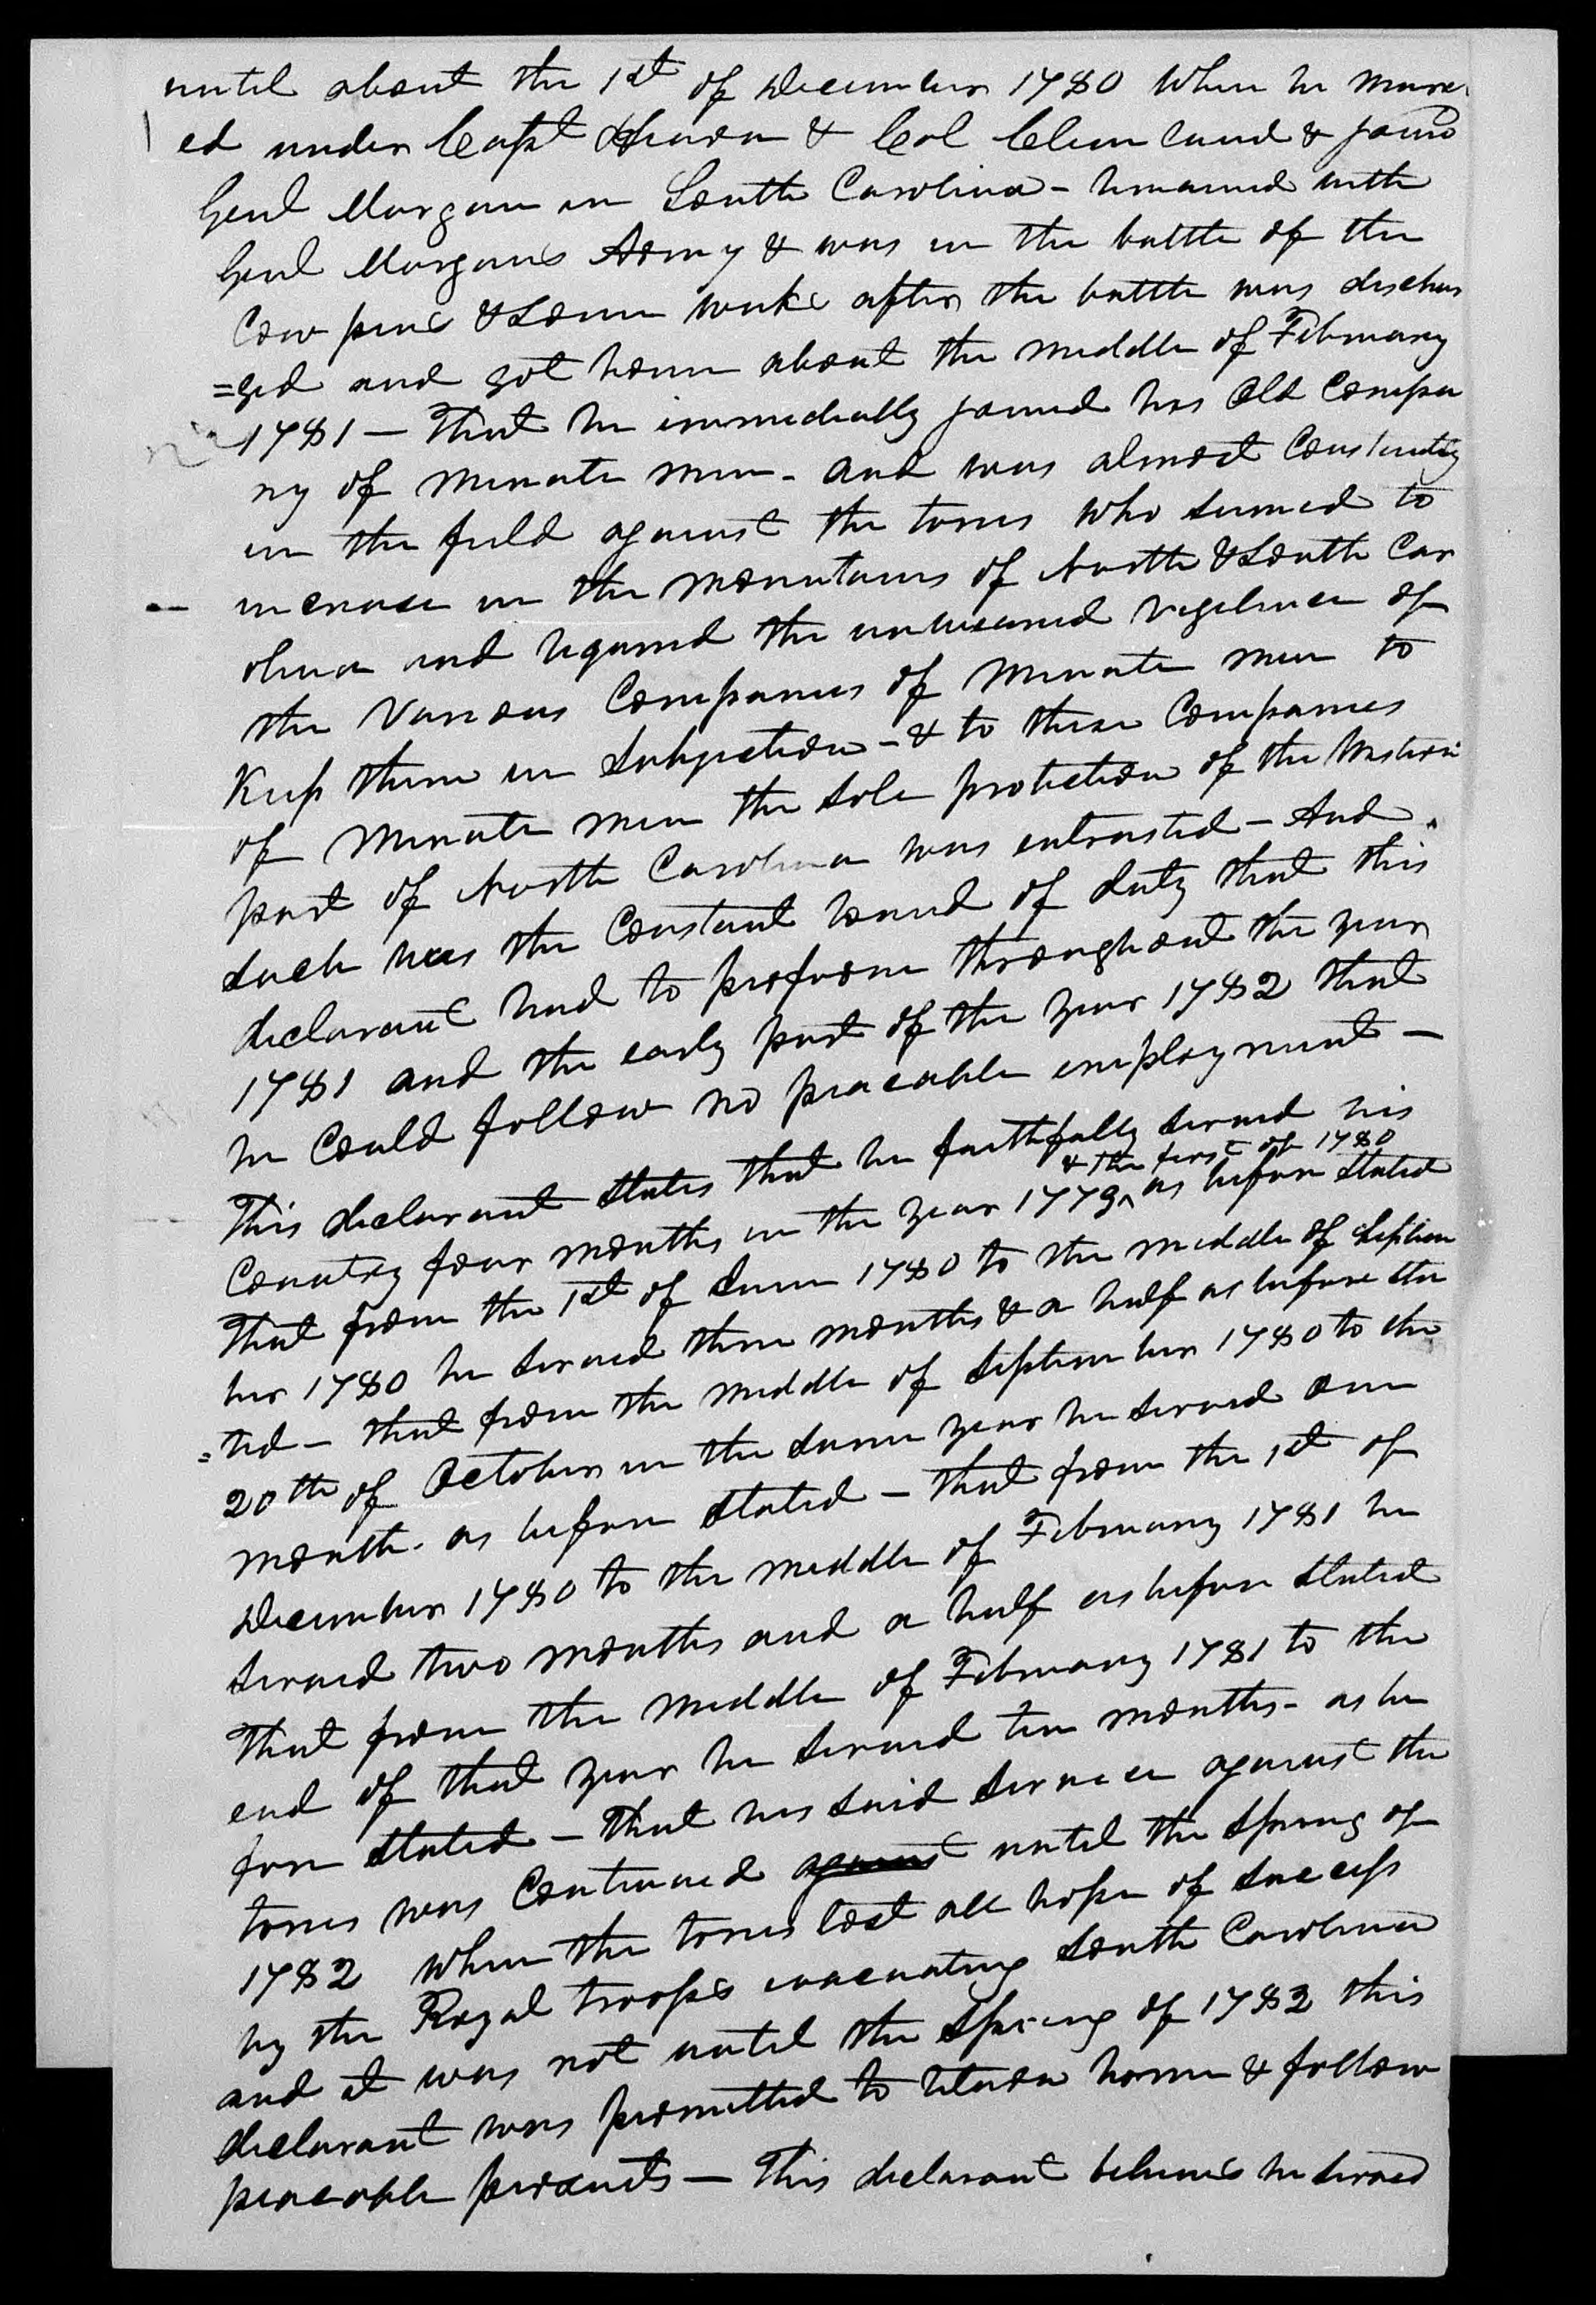until about the 1st of December 1780 when he marched under Capt Moore & Col Cleveland &  found Genl Morgan in South Carolina, remained with Genl Morgans Army & was in the battle of the Cowpens & some weeks after the battle was discharged and got home about the middle of February 1781 - That he immediately found his old company of minute men and was almost constantly
in the field against the torries who seemed to
illegible in the mountains of North & South Carolina and regained the illegible vigilance of
the various companies of minute men to
keep them in subjection & to these companies
of minute men the sole protection of the mountain part of North Carolina was entrusted- And such was the constant illegible of duty that this declarant had to perfom throughout the year 1781 and the early
part of the year 1782 that illegible could follow no peacable employment - This declarant states that he faithfully served his country four months in the year 1779 ^ of the first of 1780 as before stated that from the 1st of June 1780 to the middle of September 1780 he served three months & a half as before stated -
that from the middle of September 1780 to the
20th of October in the same year he served one month as before stated - that from the 1st of December 1780 to the middle of February 1781 he served two months and a half as before stated That from the middle of February 1781 to the end of that year he served ten months, as he before stated - that was said service against the torries was continued until the spring of 1782 when the torries lost all hope of success by the royal troops entering South Carolina and it was not until the spring of 1782 this declarant was permitted to return home & follow pleasurable pursuits - This declarant believes he served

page: 7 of 18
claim: survivor's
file: S. 8,994, for Philip Mason, North Carolina